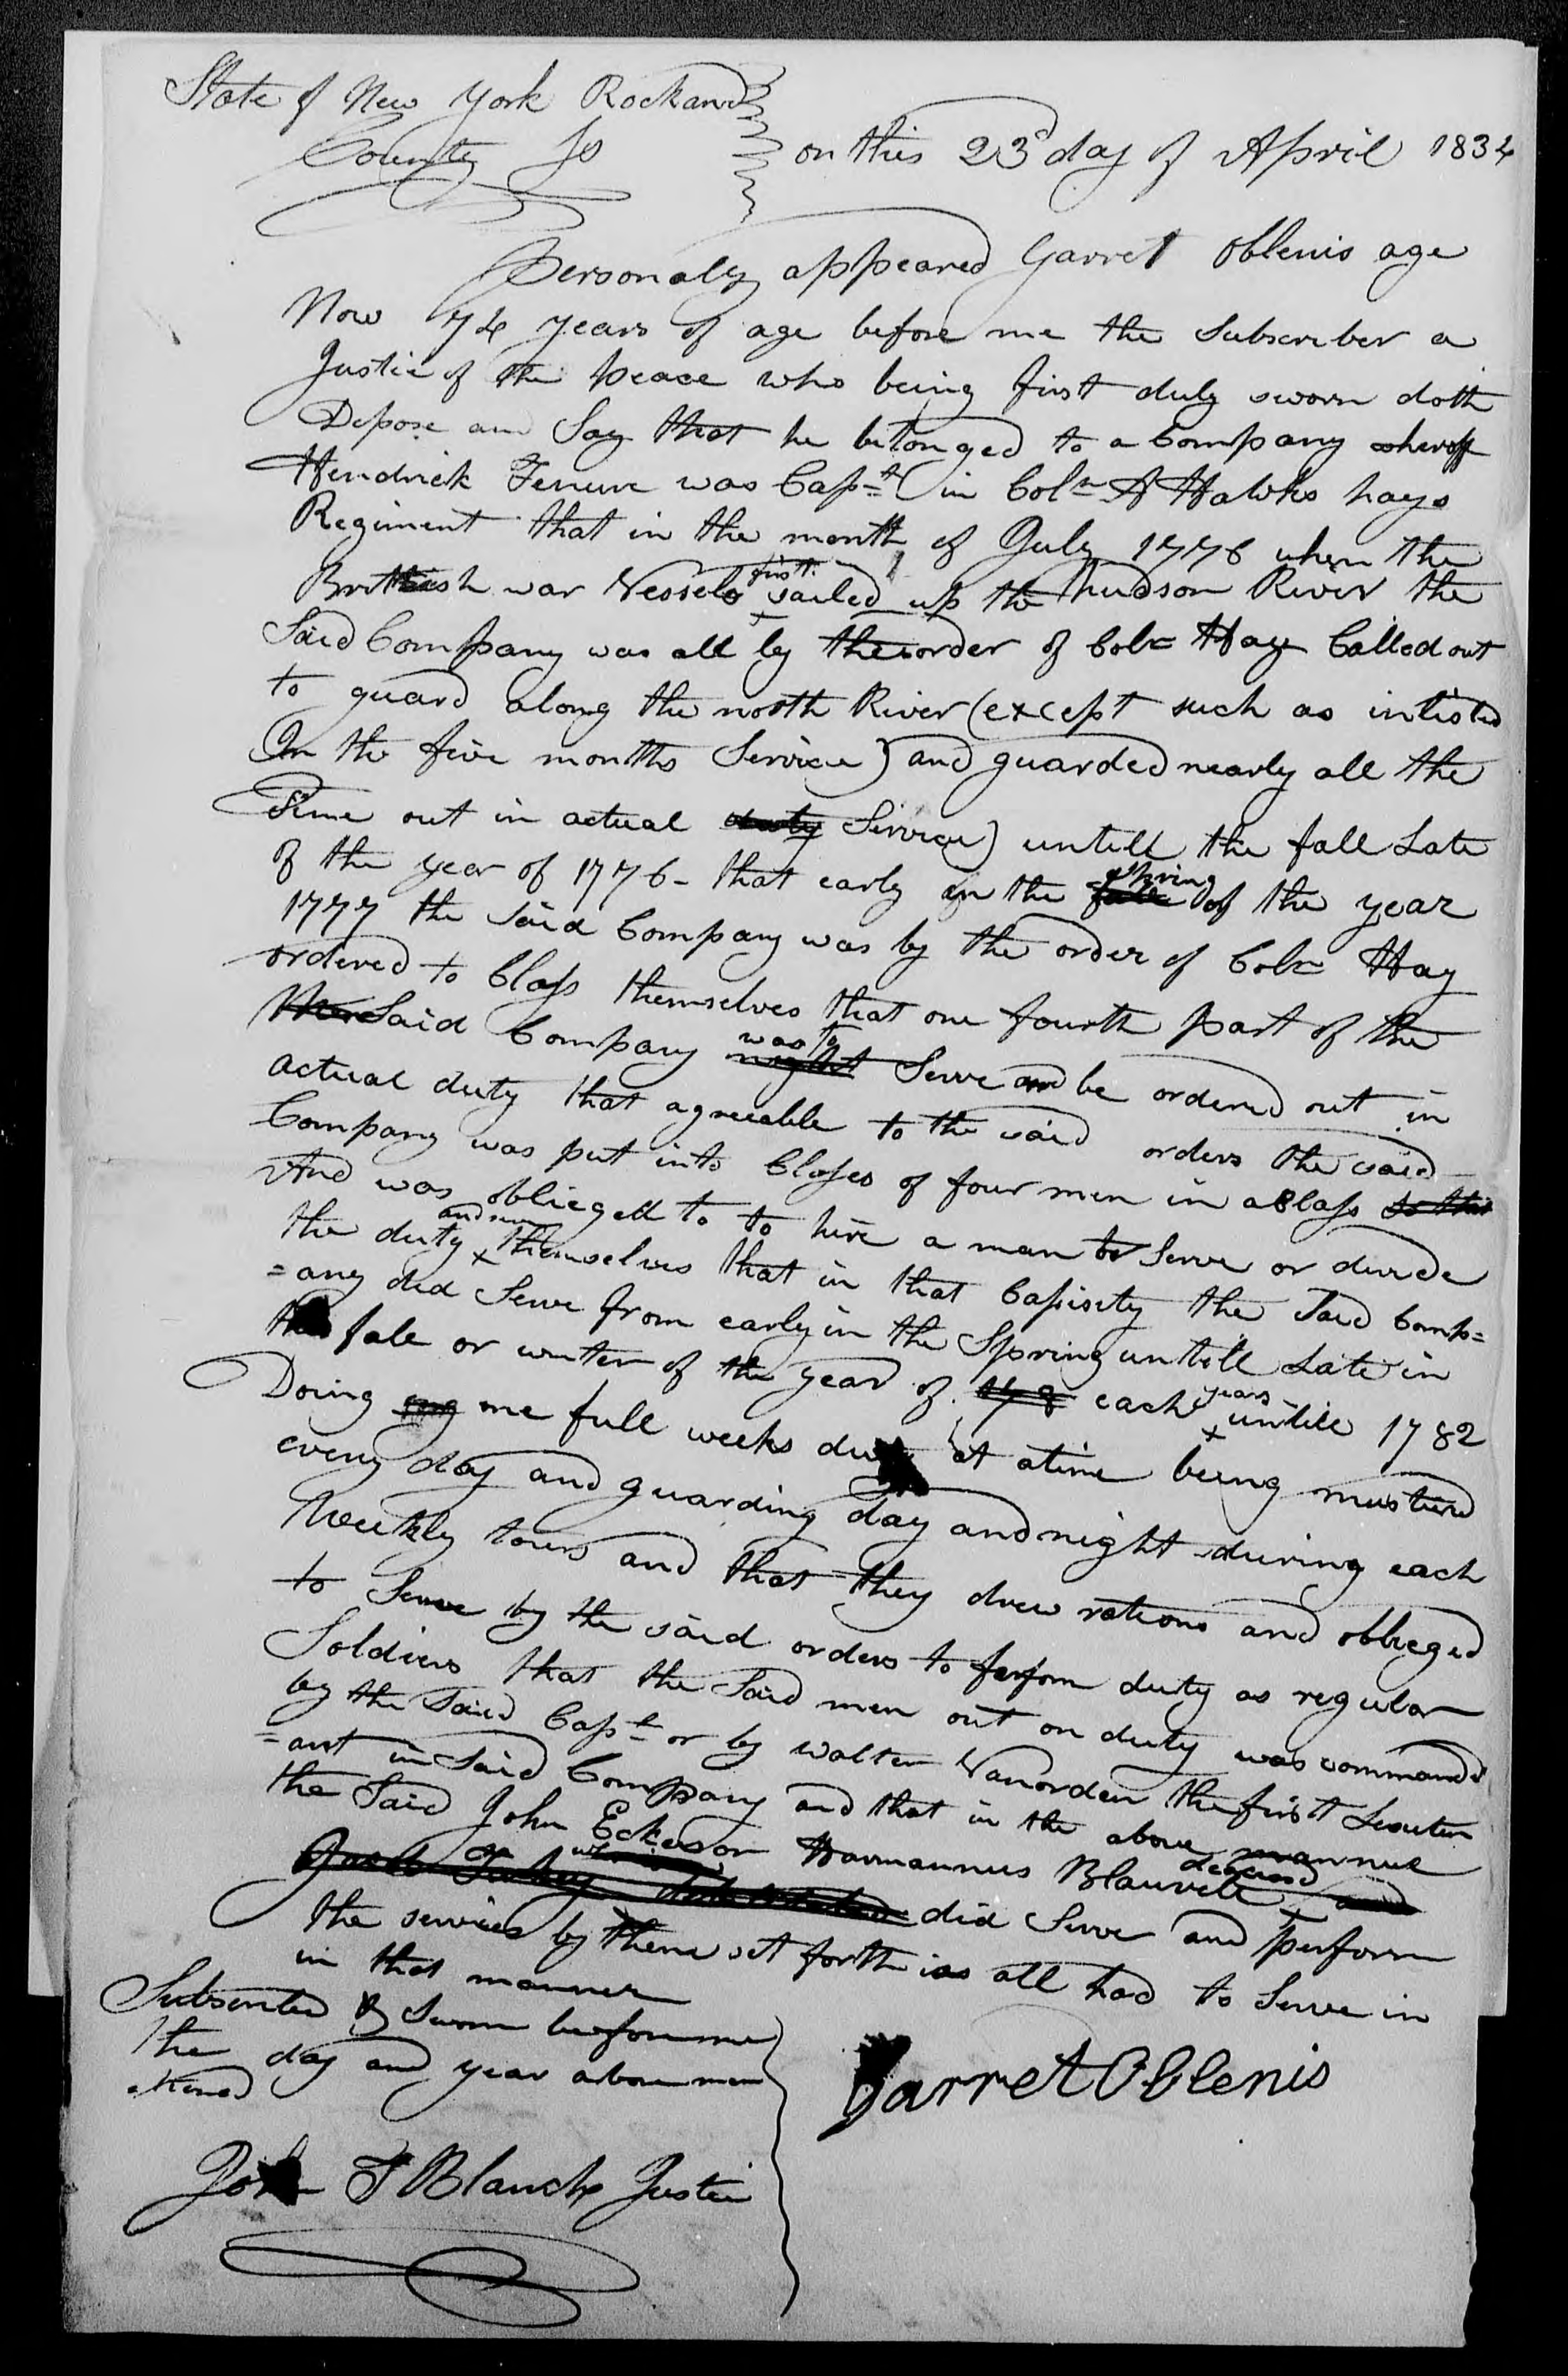State of New York Rockland County Ss
On this 23d day of April 1834 personally appeared Garret Oblenis age now 76 years of age before me the subscriber a Justice of the Peace who being first duly sworn doth depose and say that he belonged to a Company where Hendrick Tenure was Capt in Col A. Hawkes Hays Regiment that in the month of July 1776 when the British war vessels first sailed up the Hudson River the said Company was all by the order of Col Hays called out to guard along the north River (except such as inlisted in the five months service) and guarded nearly all the time out in actual [duty, crossed out] service untill the fall Late of the year of 1776. That early in the [fall, crossed out] spring of the year 1777 the said Company was by the order of Col Hay ordered to class themselves that one fourth part of the said Company [might, crossed out] was to serve and be ordered out in actual duty that agreeable to the said orders the said Company was put into classes of four men in a class [to their, crossed out] And was obliged to to have a man to serve or divide the duty among themselves that in that capacity the said Company did serve from early in the Spring until late in fall or winter of the year of ['78, crossed out] each years untill 1782 Doing one full weeks duty at a time being mustered every day and guarding day and night during each weekly tours and that they drew rations and obliged to serve by the said orders to perform duty as regular Soldiers that the said men out on duty was commanded by the said Capt or by Walter Vanorder the first Lieutenant in said Company and that in the above manner the said John Eckerson Harmannus Blauvelt deceased [some crossed out words] did serve and perform the services by them set forth as all had to serve in in that manner
[signed] Garret Oblenis
Subscribed & sworn before me this day and year above mentioned [signed] John T Blanche Justice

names: Hendrick Tenure, Walter Vanorden, Garret Oblenis, John T Blanch, John Eckerson, Harmannus Blauvelt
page: 15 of 33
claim: survivor's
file: S. 22,653, Harmanus Blauvelt, New York